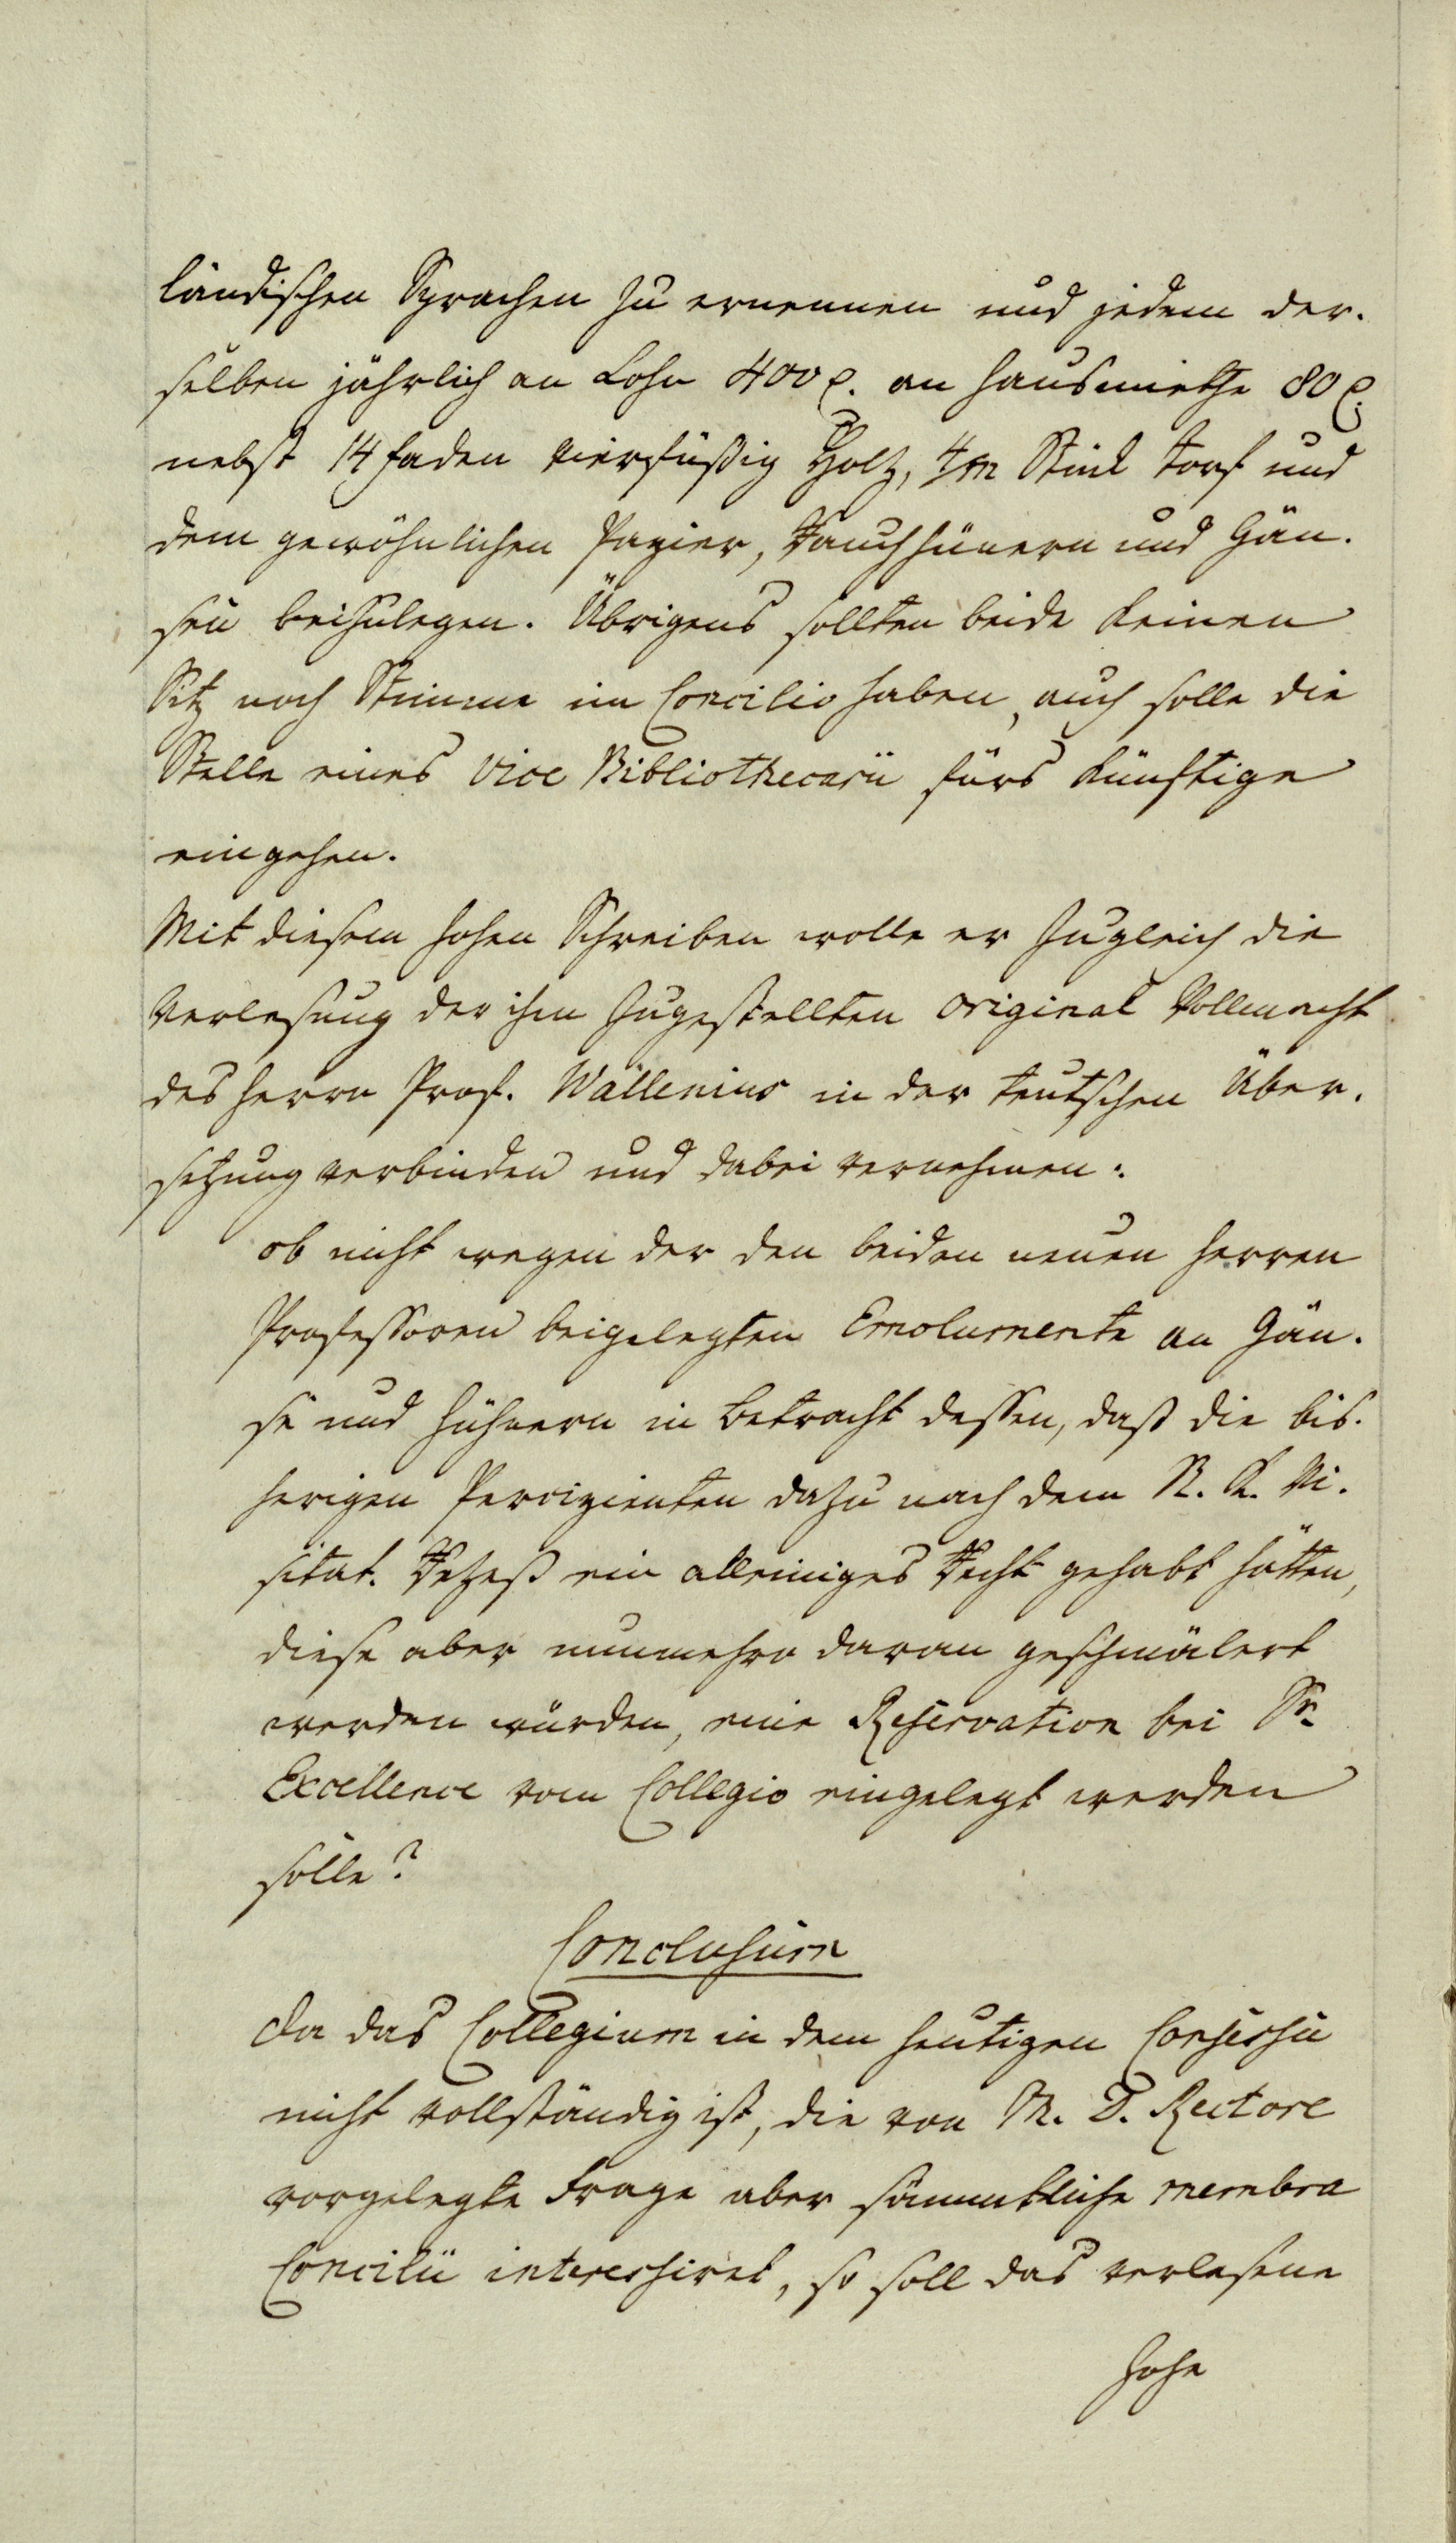ländischen Sprachen zu ernennen und jedem der¬
selben jährlich an Lohn 400 ler. an Hausmiethe 80 l.
nebst 14 Faden vierfüßig Holz, 4/m Stück Torf und
dem gewöhnlichen Papier, Rauchhünern und Gän¬
sen beizulegen. Übrigens sollten beide keinen
Sitz noch Stimme im Concilio haben, auch solle die
Stelle eines Vice Bibliothecarii fürs künftige
eingehen.
Mit diesem hohen Schreiben wolle er zugleich die
Vorlesung der ihm zugestellten Original Vollmacht
des Herrn Prof. Wallenius in der teutschen Über¬
setzung verbinden und dabei vernehmen:
ob nicht wegen der den beiden neuen Herren
Professoren beigelegten Emolumente an Gän¬
se und Hühnern in Betracht dessen, daß die bis¬
herigen Percipienten dazu nach dem N. L. Vi¬
sitat. Receß ein alleiniges Recht gehabt hätten,
diese aber nunmehro daran geschmälert
werden würden, eine Reservation bei Sr.
Excellence vom Collegio eingelegt werden
solle?
Conclusum
Da das Collegium in dem heutigen Consessu
nicht vollständig ist, die von M. D. Rectore
vorgelegte Frage aber sämmtliche membra
Concilii enteressiret, so soll das verlesene
hohe